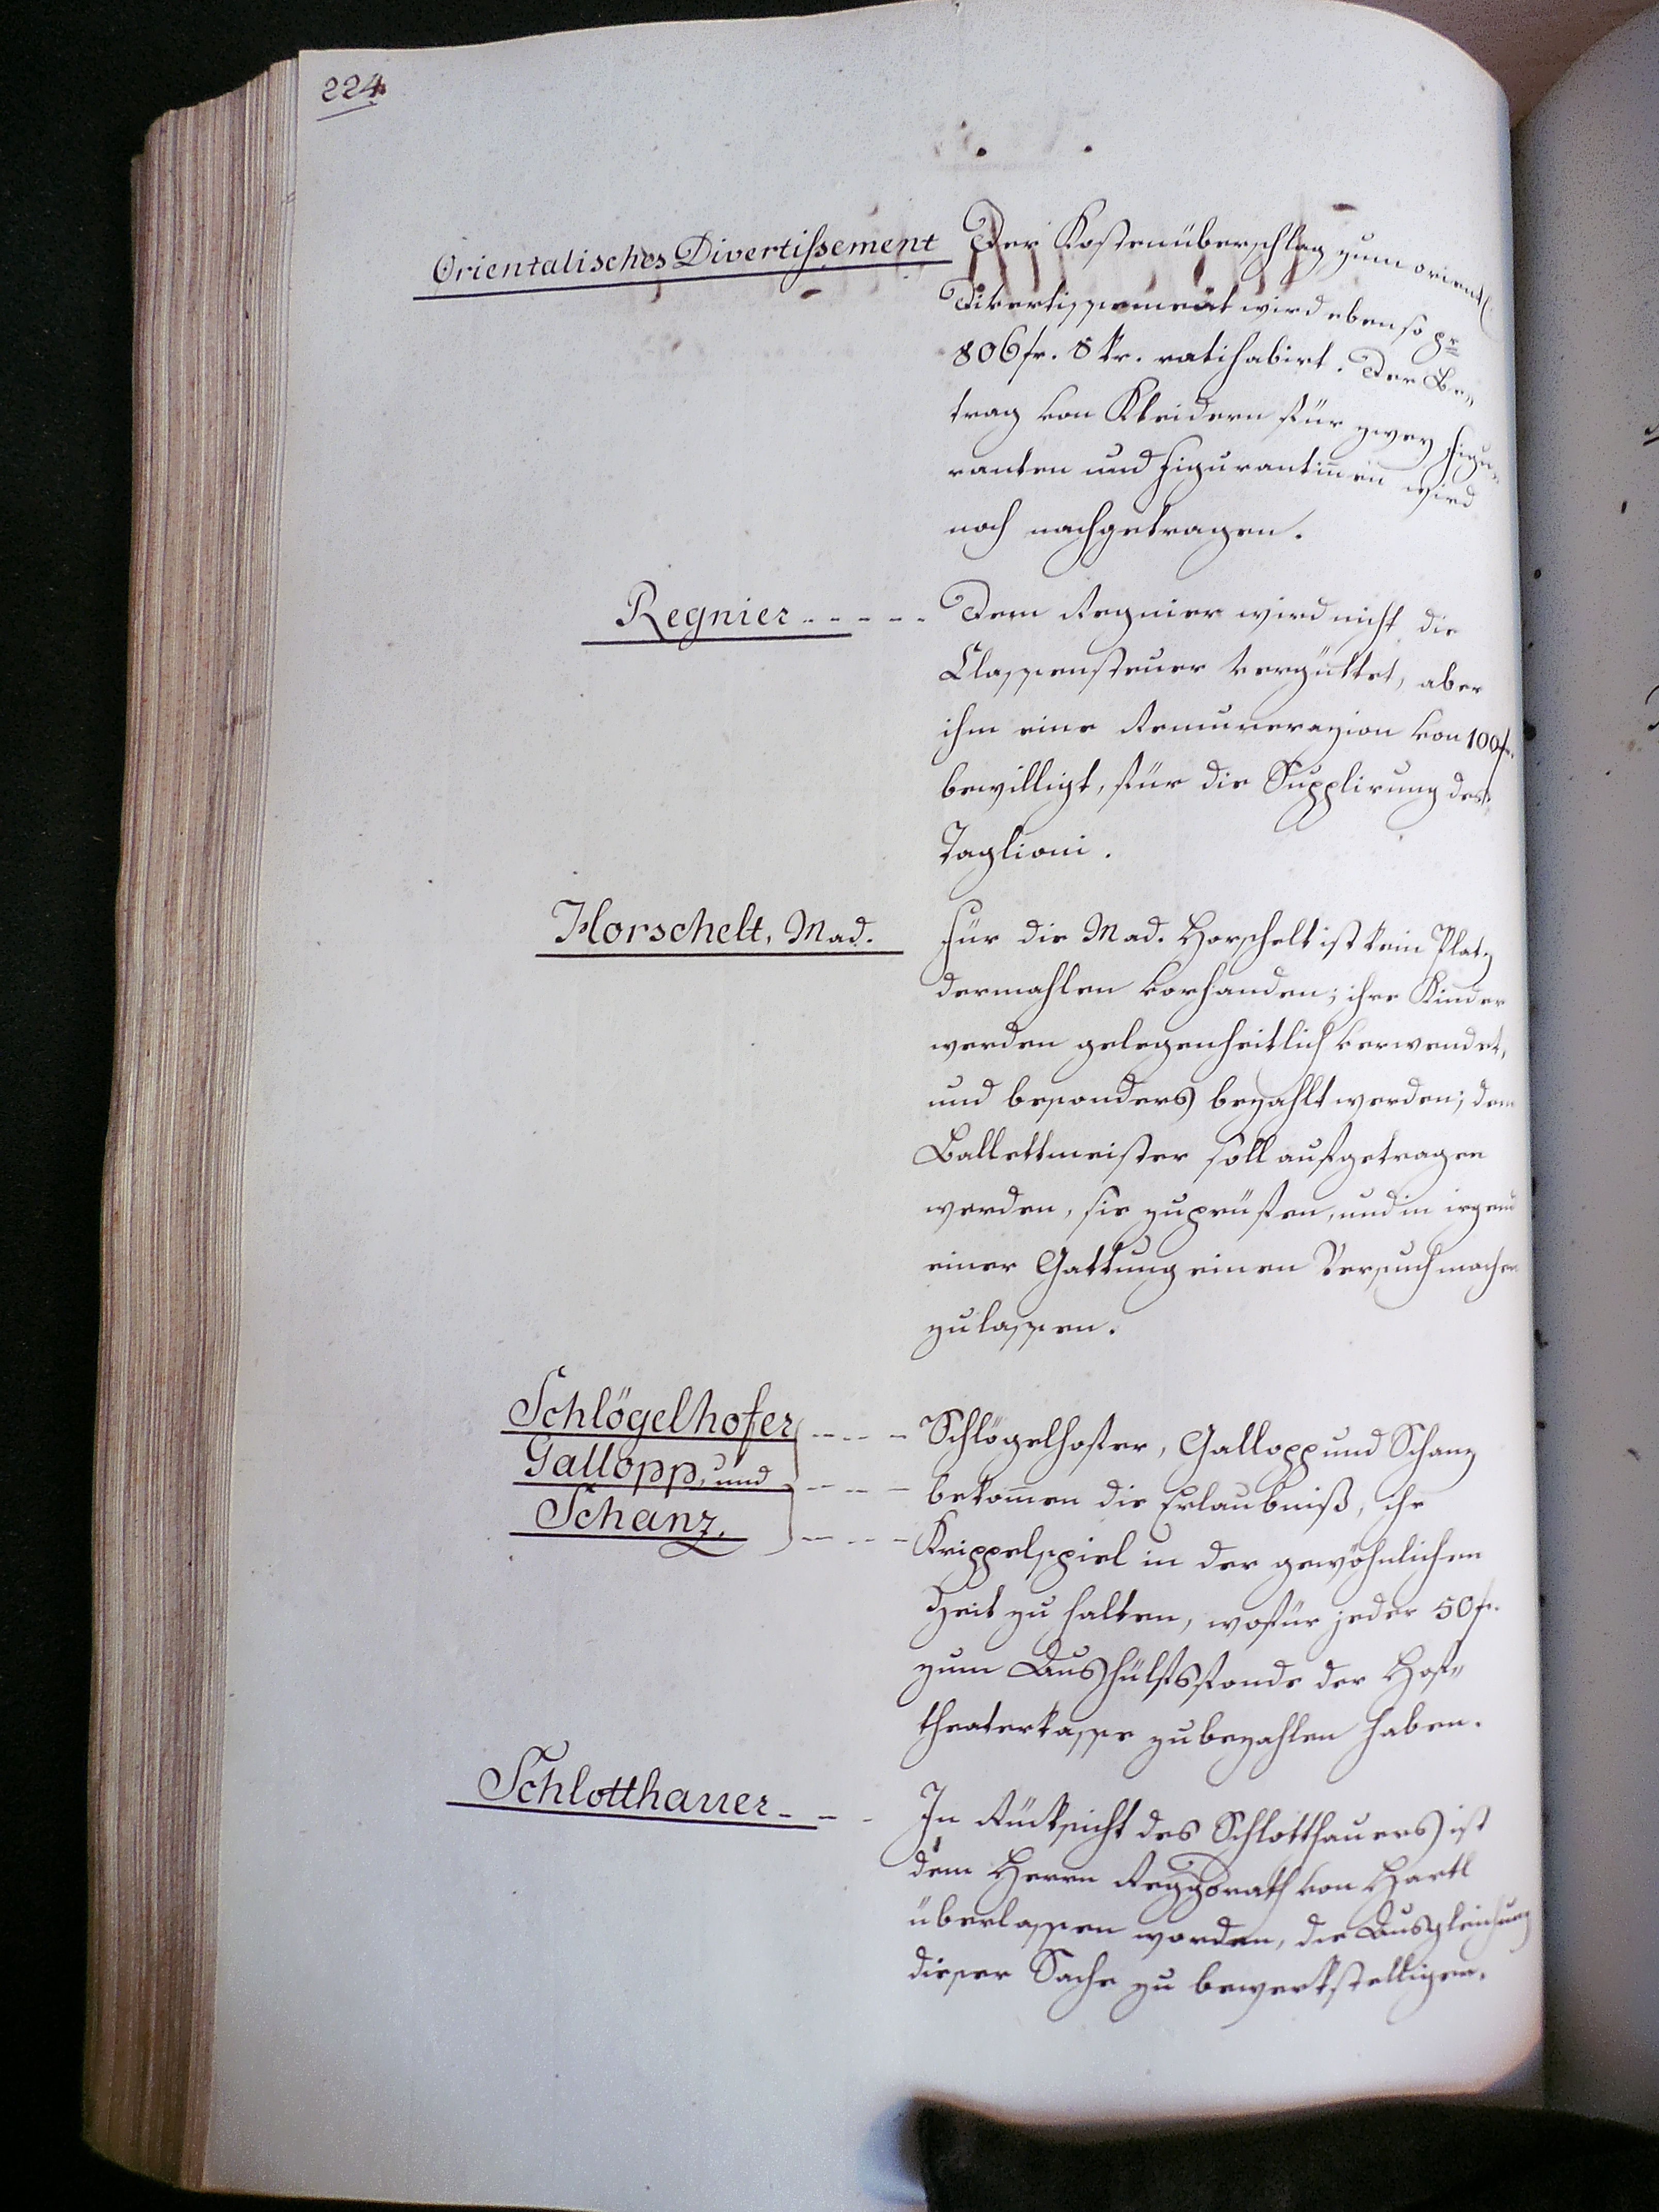224.
Orientalisches Divertissement Der Kostenüberschlag zum orientL.
Divertissement wird ebenso pr͇
806fr. 8kr. ratihabirt. Der An¬
trag von Kleidern für zwey Figu¬
ranten und Figurantin̅en wird
noch nachgetragen.
Regnier .. .. .. .. .. Den Regnier wird nicht die
Classensteuner vergüttet, aber
ihm eine Remunerazion von 100fr.
bewilligt, für die Supplirung des
Taglioni.
Horschelt, Mad. Für die Mad. Horschelt ist kein Platz
dermahlen vorhanden; ihre Kinder
werden gelegenheitlich verwendet,
und besonders bezahlt werden; dem
Ballettmeister soll aufgetragen
werden, sie zuprüfen, und in irgend
einer Gattung einen Versuch machen
zulassen.
Schlögelhofer
Gallopp, und
Schanz.
Schlögelhofer, Gallopp und Schanz
bekom̅en die Erlaubniß, ihr
Krippelspiel in der gewöhnlichen
Zeit zu halten, wofür jeder 50fr.
zum Aushülfsfonde der Hof¬
theaterkasse zubezahlen haben.
Schlotthauer .. .. . In Rücksicht des Schlotthauers ist
dem Herrn Reg͞gsrath von Hartl
überlassen worden, die Ausgleichung
dieser Sache zu bewerkstelligen.